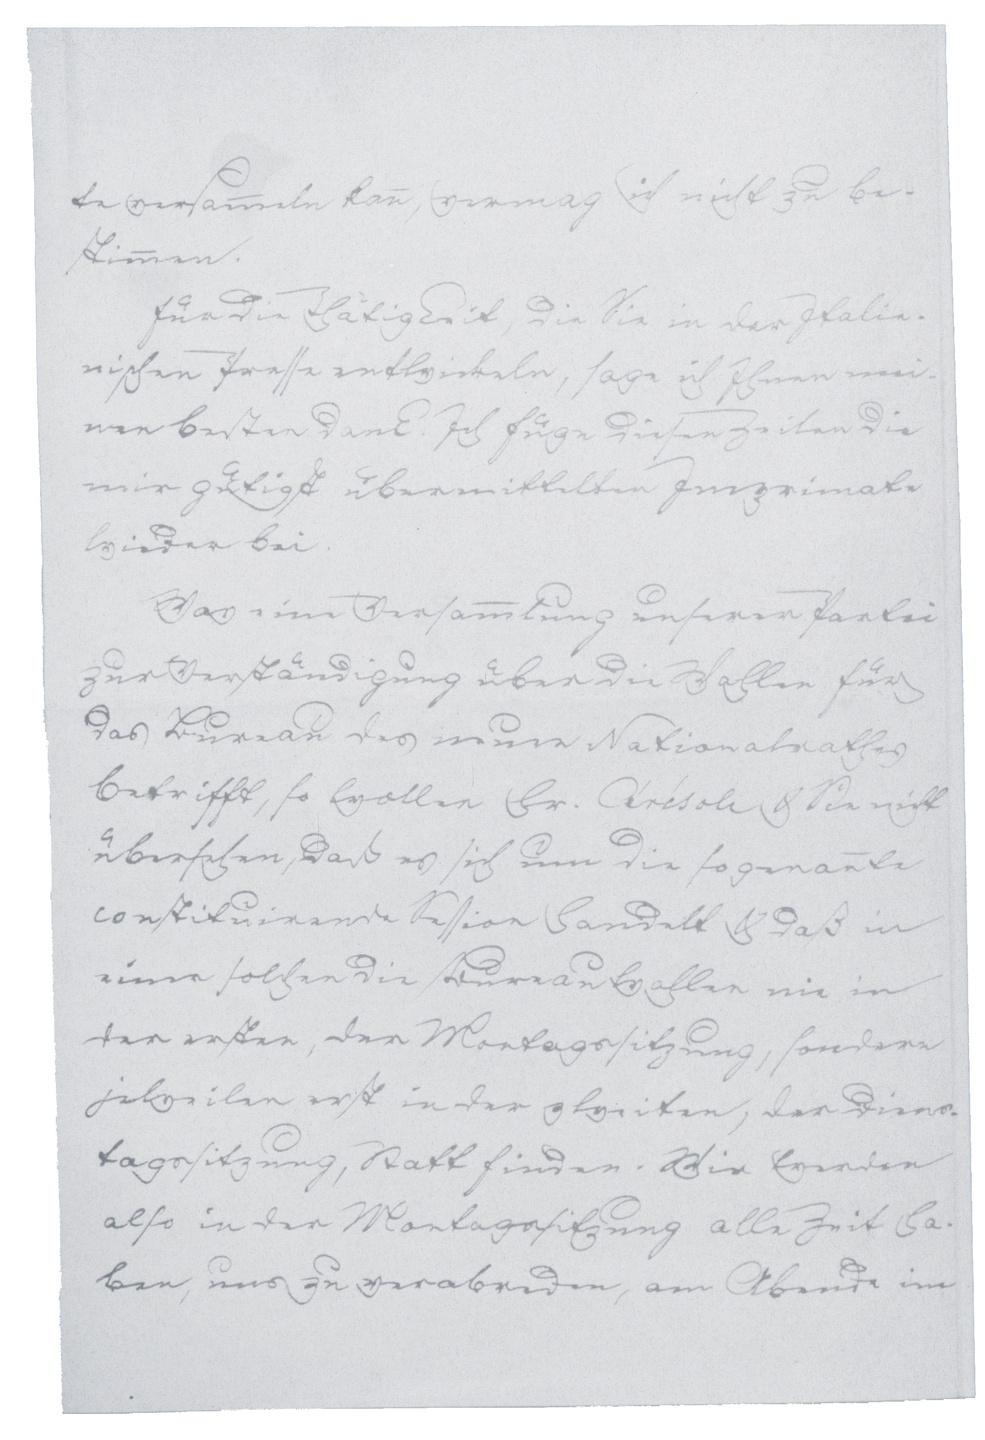te versammeln kann, vermag ich nicht zu be-
stimmen.
Für die Thätigkeit, die Sie in der Italie-
nischen Presse entwickeln, sage ich Ihnen mei-
nen besten Dank. Ich füge diesen Zeilen die
mir gütigst übermittelten Imprimate
wieder bei.
Was eine Versammlung unserer Partei
zur Verständigung über die Wahlen für
das Bureau des neuen Nationalrathes
betrifft, so wollen Hr. Cérésole & Sie nicht
übersehen, daß es sich um die sogenannte
constituirende Session handelt & daß in
einer solchen die Bureauwahlen nie in
der ersten, der Montagssitzung, sondern
jeweilen erst in der zweiten, der Diens-
tagssitzung, Statt finden. Wir werden
also in der Montagssitzung alle Zeit ha-
ben, uns zu verabreden, am Abends im